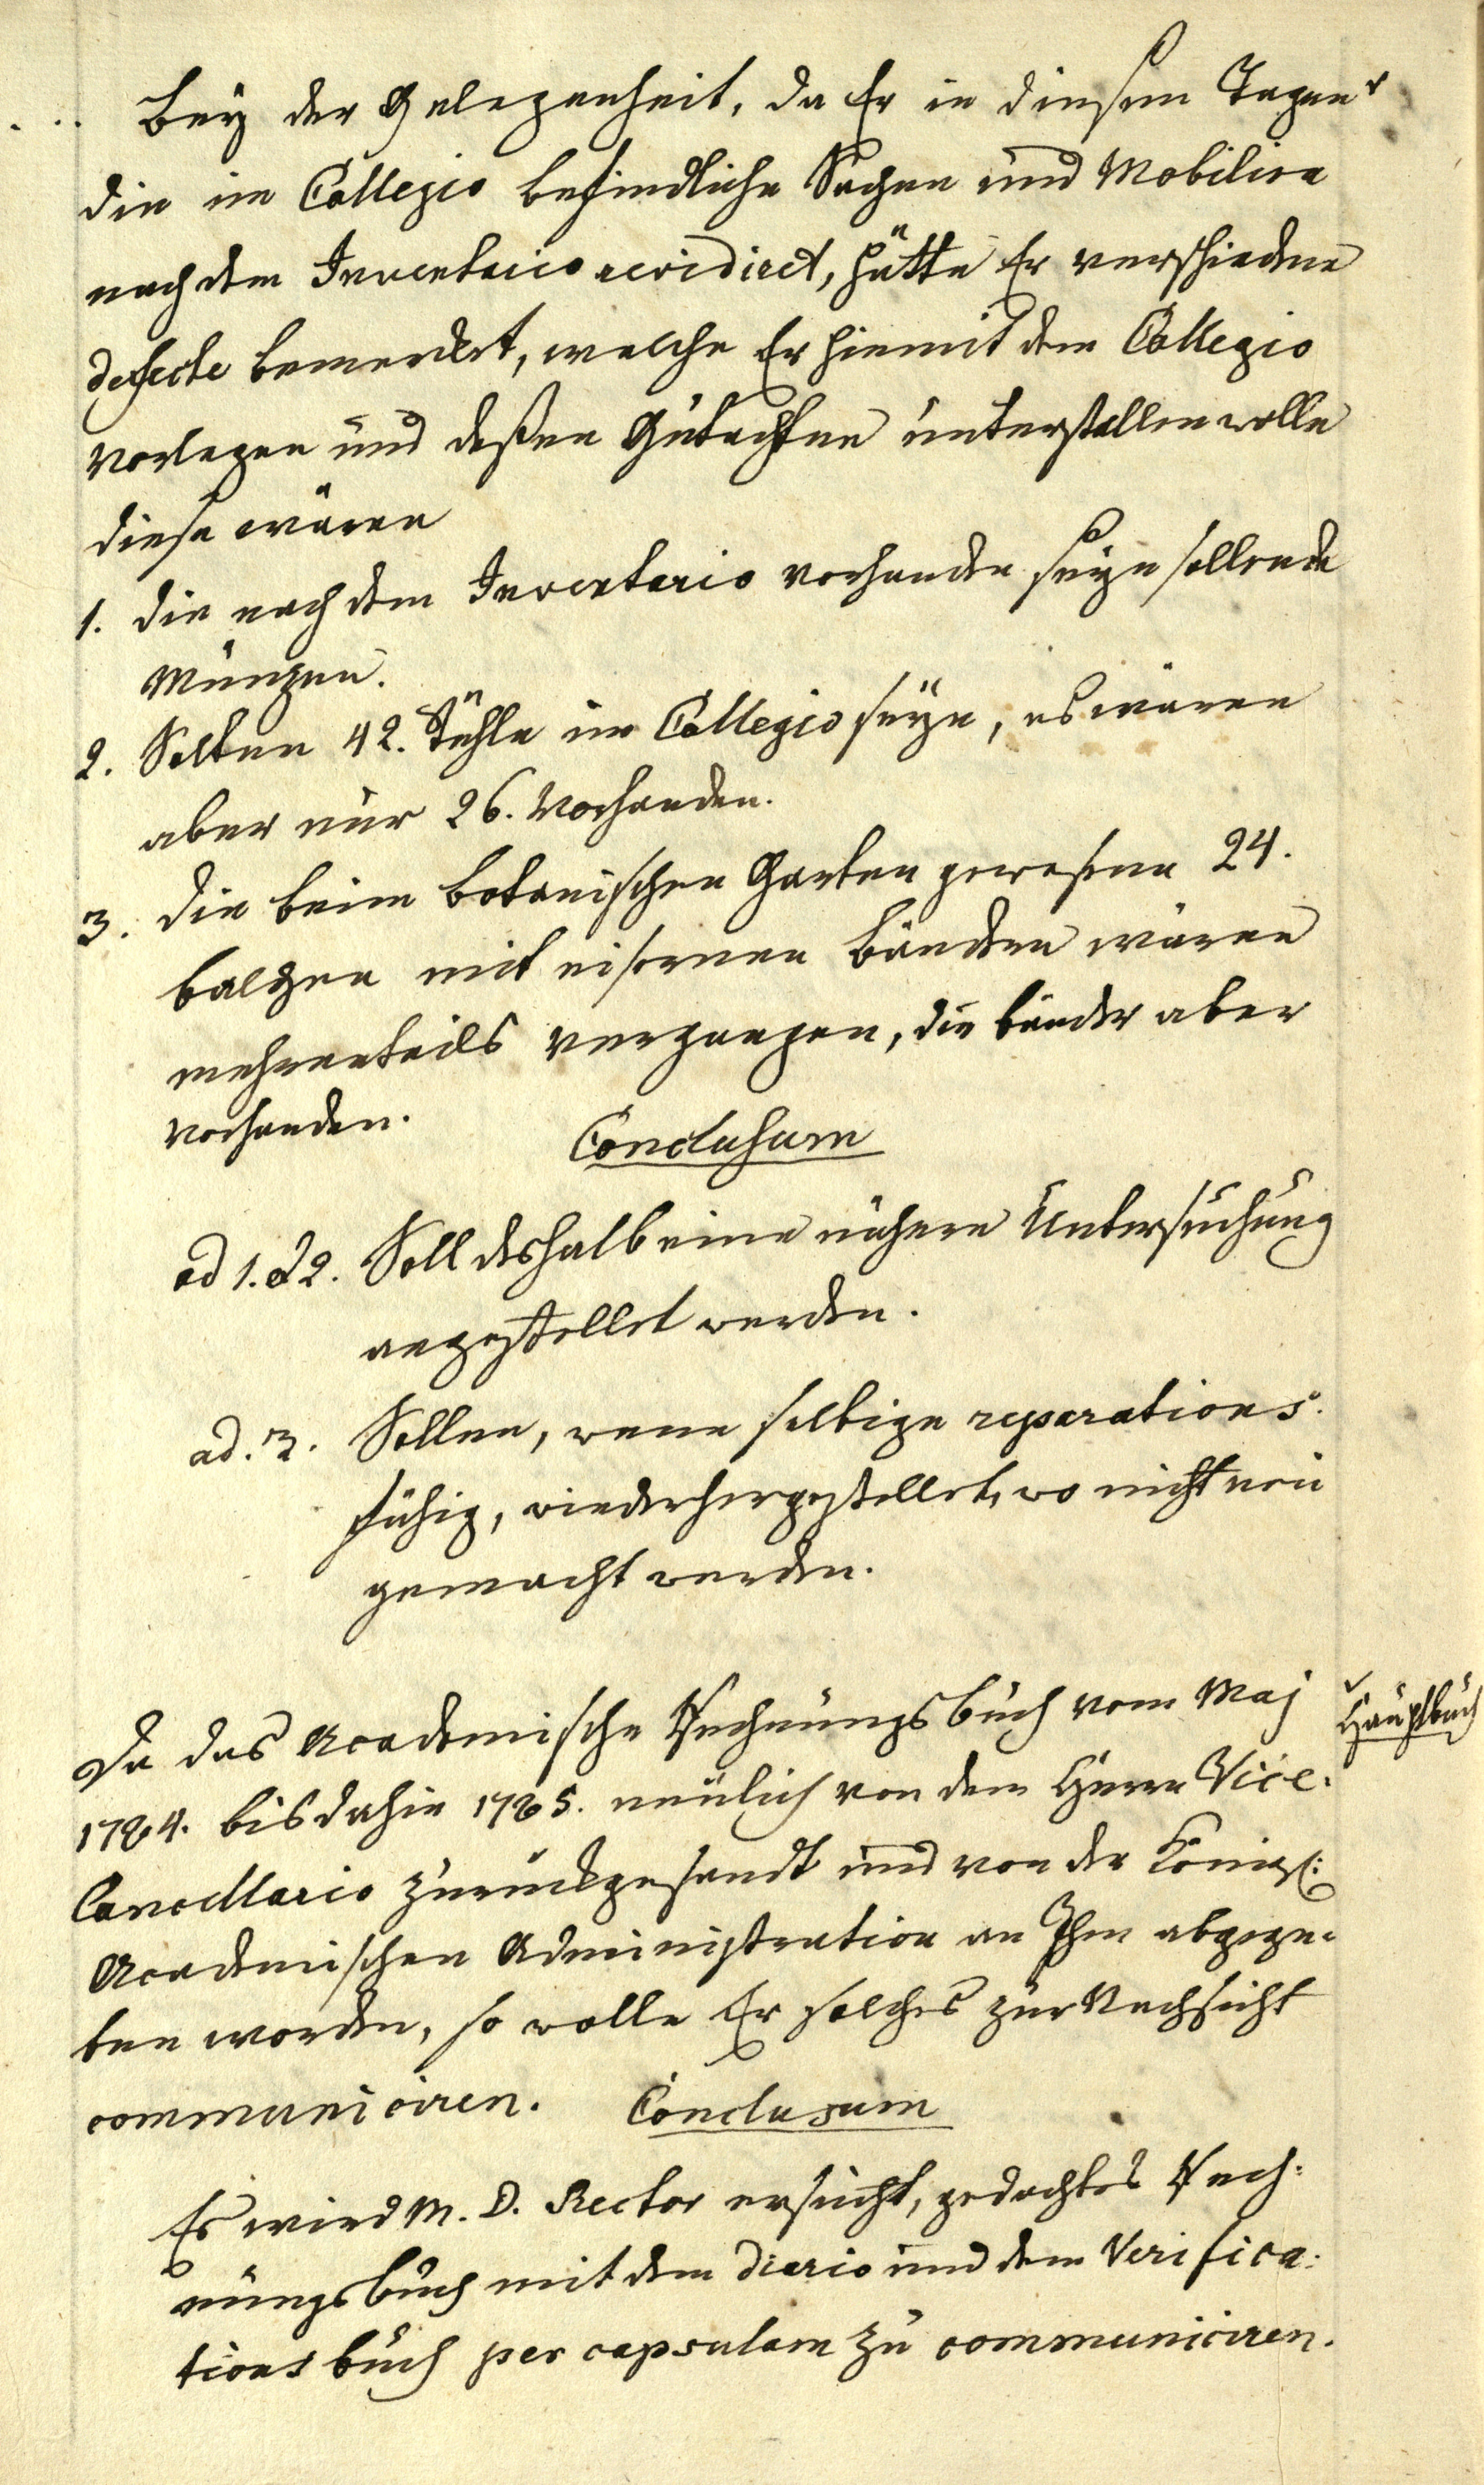Beÿ der Gelegenheit, da Er in diesen Tagen
die im Collegio befindliche Sachen und Mobilien
nach dem Inventario revidiret, hätte Er verschiedene
defecte bemercket, welche Er hiemit dem Collegio
vorlegen und deßen Gutachten unterstellen wolle
diese wären
1. die nach dem Inventario vorhanden seÿn sollende
Münzen.
2. Solten 42. Stühle im Collegio seÿn, es wären
aber nur 26. vorhanden.
3. die beim botanischen Garten gewesene 24.
Balgen mit eisernen Bändern wären
mehrenteils vergangen, die Bänder aber
vorhanden.
Conclusum
ad 1. et 2. Soll deshalb eine nähere Untersuchung
angestellet werden.
ad 3. Sollen, wenn selbige reparations¬
fähig, wiederhergestellet, wo nicht neu
gemacht werden.
Da das Academische Rechnungsbuch vom Maj
1784. bis dahin 1785. neulich von dem Herrn Vice¬
Cancellario zurückgesandt und von der Königl.
Academischen Administration an Ihm abgege¬
ben worden, so wolle Er solches zur Nachsicht
communiciren.
Conclusum
Es wird M. D. Rector ersucht, gedachtes Rech¬
nungsbuch mit dem diario und dem Verifica¬
tions Buch per capsulam zu communiciren.